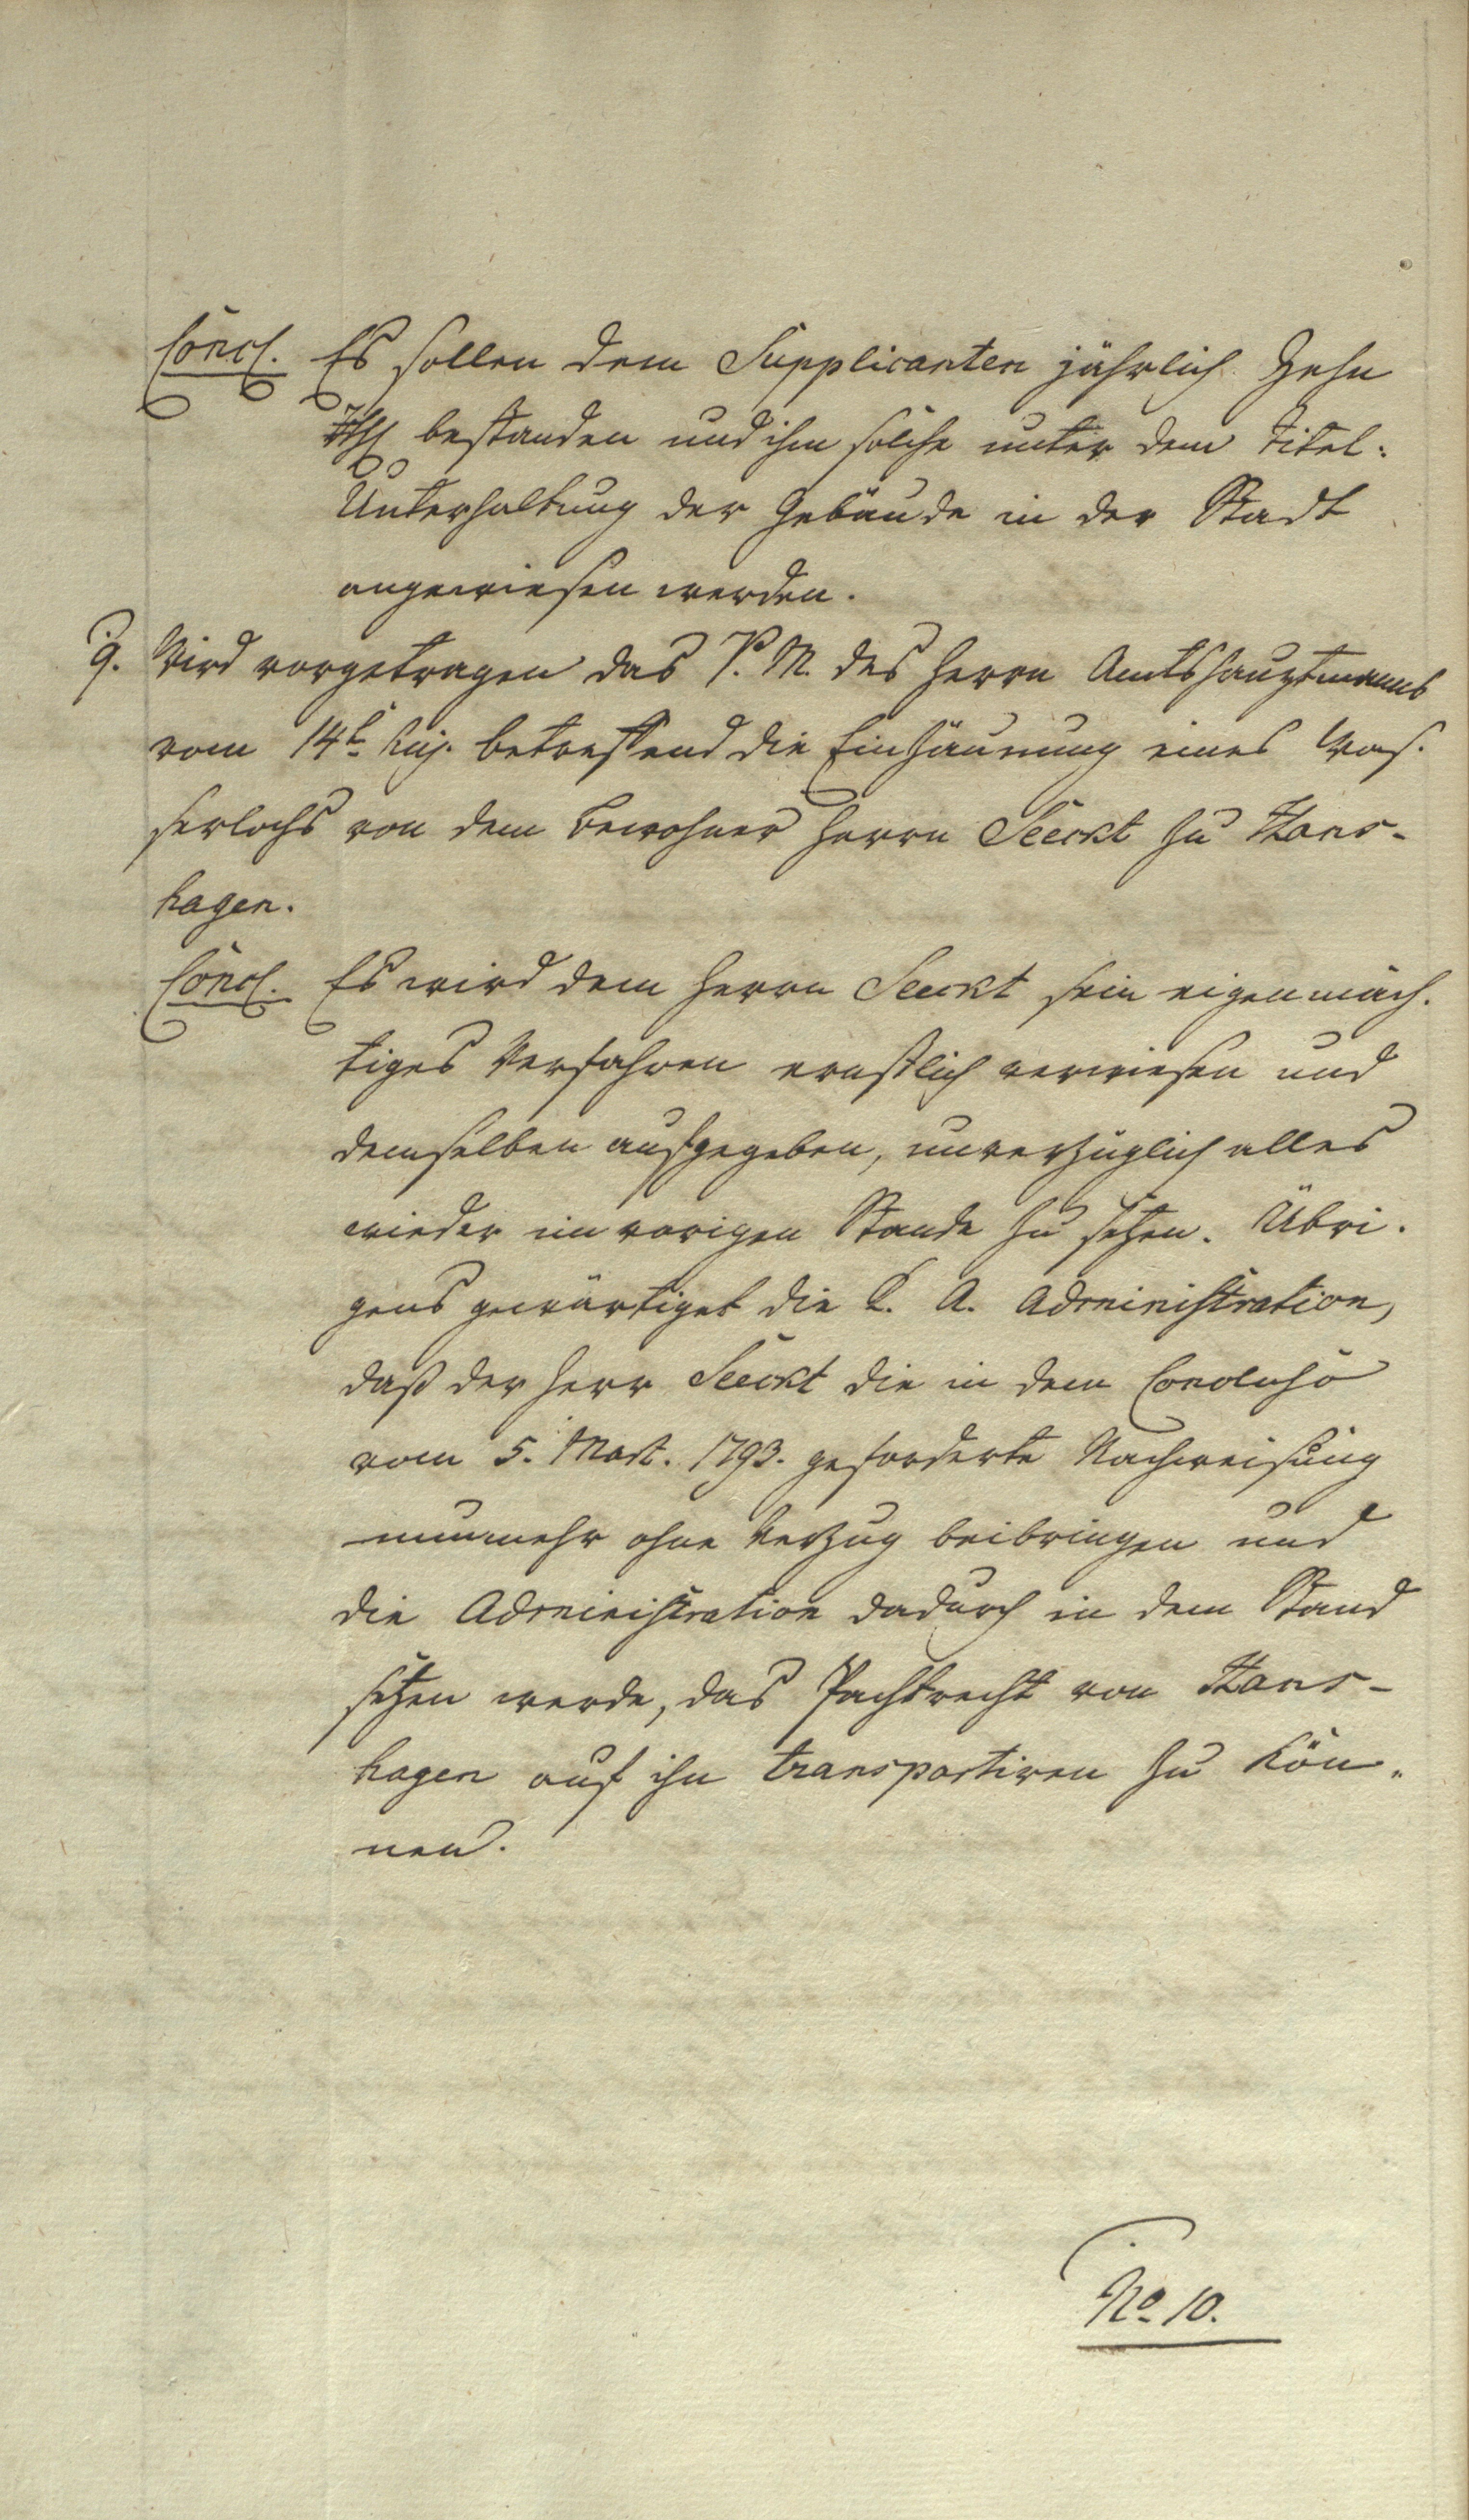Concl. Es sollen dem Supplicanten jährlich Zehn
Rthl. bestanden und ihm solche unter dem Titel:
Unterhaltung der Gebäude in der Stadt
angewiesen werden.
9. Wird vorgetragen, das P. M. des Herrn Amtshauptmanns
vom 14ten huj. betreffend die Enzäunung eines Was¬
serlochs von dem Bewohner Herrn Seeckt zu Hans¬
hagen.
Concl. Es wird dem Herrn Seeckt sein eigenmäch¬
tiges Verfahren ernstlich verwiesen und
demselben aufgegeben, unverzüglich alles
wieder im vorigen Stande zu setzen. Übri¬
gens gewärtiget die K. A. Administration,
daß der Herr Seeckt die in dem Concluso
vom 5. Mart. 1793. geforderte Nachweisung
nunmehr ohne Verzug beibringen und
die Administration dadurch in dem Stand
setzen werde, das Pachtrecht von Hans¬
haben auf ihn transportiren zu kön¬
nen.